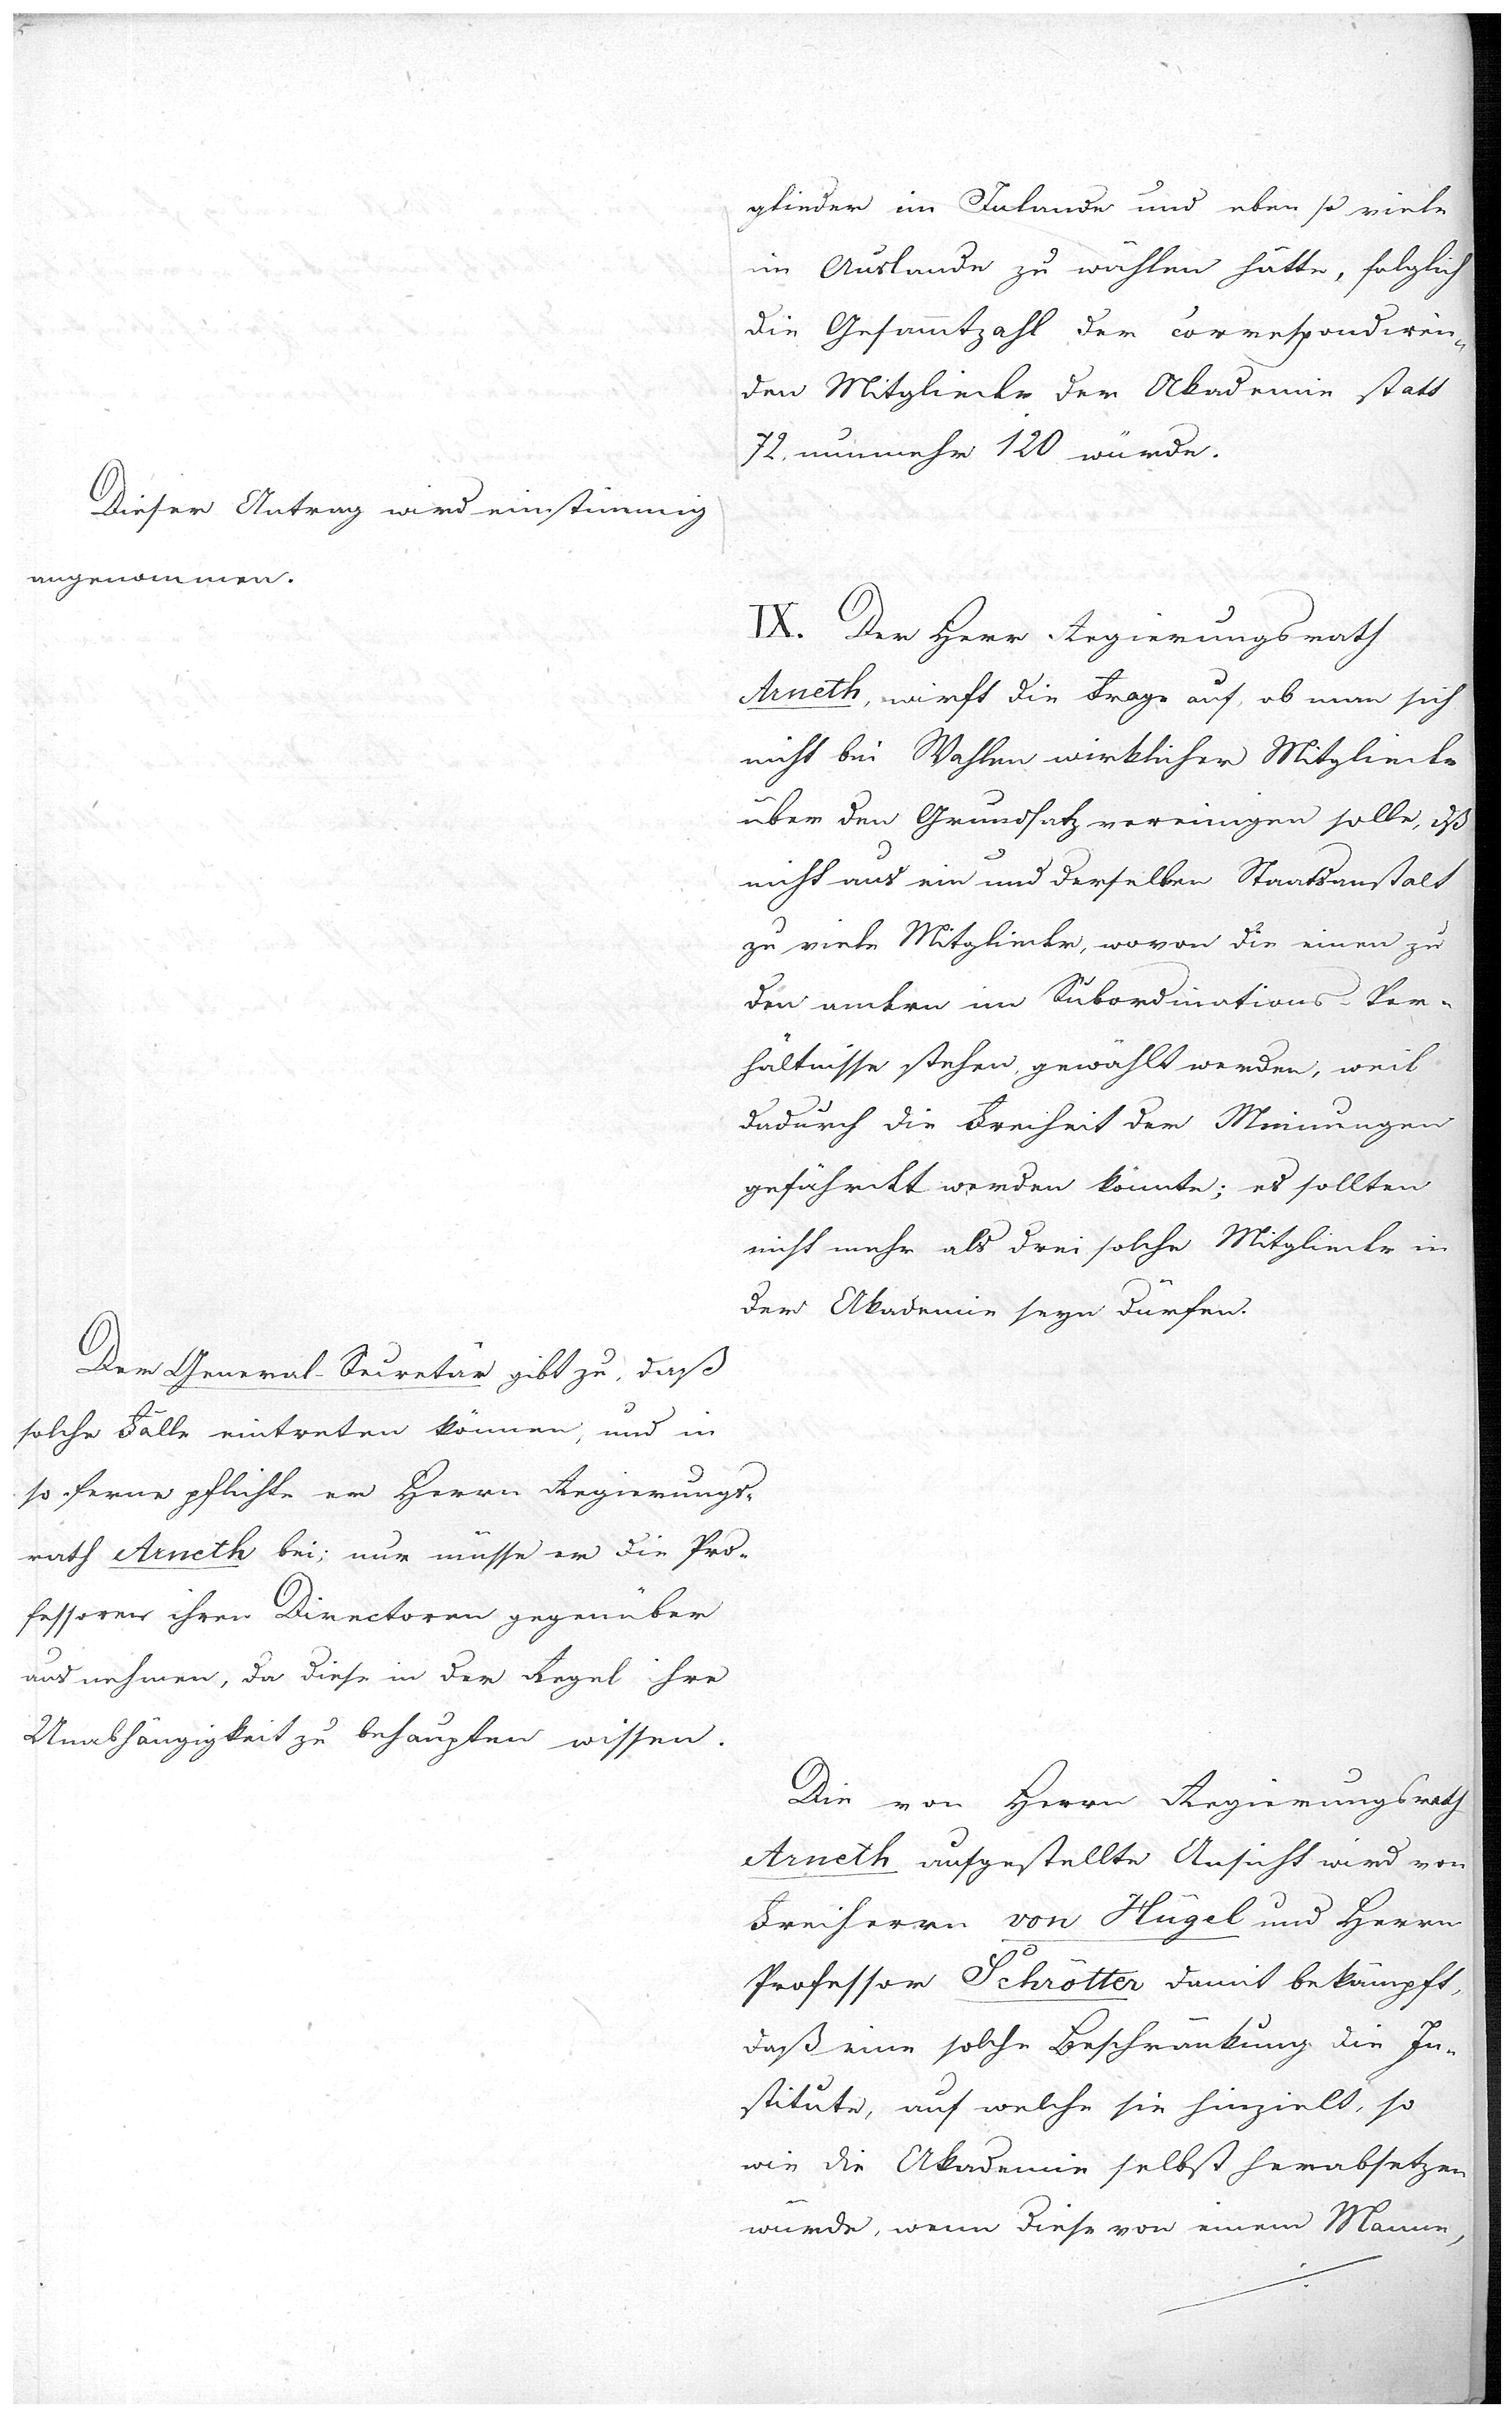glieder im Inlande und eben so viele
im Auslande zu wählen hätte, folglich
die Gesammtzahl der correspondiren-
den Mitglieder der Akademie statt
72 nunmehr 120 würde.
Dieser Antrag wird einstimmig
angenommen.
IX. Der Herr Regierungsrath
Arneth wirft die Frage auf, ob man sich
nicht bei Wahlen wirklicher Mitglieder
über den Grundsatz vereinigen solle, daß
nicht aus ein und derselben Staatsanstalt
zu viele Mitglieder, wovon die einen zu
den andern im Subordinations-Ver-
hältnisse stehen, gewählt werden, weil
dadurch die Freiheit der Meinungen
gefährdet werden könnte; es sollten
nicht mehr als drei solche Mitglieder in
der Akademie seyn dürfen.
Der General-Secretär gibt zu, daß
solche Fälle eintreten können, und in
so ferne pflichte er Herrn Regierungs-
rath Arneth bei; nur müsse er die Pro-
fessoren ihren Directoren gegenüber
ausnehmen, da diese in der Regel ihre
Unabhängigkeit zu behaupten wissen.
Die von Herrn Regierungsrath
Arneth aufgestelle Ansicht wird von
Freiherrn von Hügel und Herrn
Professor Schrötter damit bekämpft,
daß eine solche Beschränkung die In-
stitute, auf welche sie hinzielt, so
wie die Akademie selbst herabsetzen
würde, wenn diese von einem Manne,